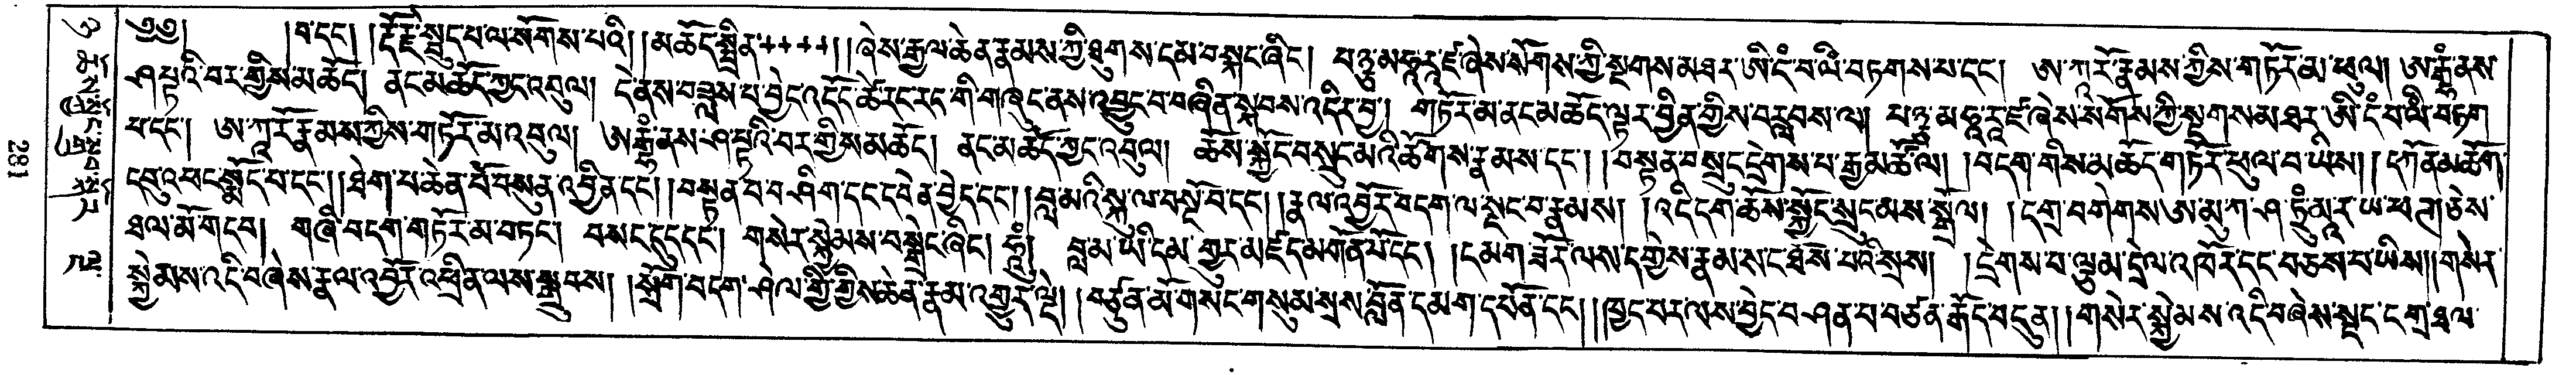༄༅། །བ་དང་། །རྡོ་རྗེ་སྤུང་པ་ལ་སོགས་པའི། །མཆོད་སྤྲིན་།ཞེས་རྒྱལ་ཆེན་རྣམས་ཀྱི་ཐུགས་དམ་བསྐང་ཞིང་། པཉྩ་མཧཱ་རཱ་ཛ་ཞེས་སོགས་ཀྱི་སྔགས་མཐར་ཨི་དཾ་བ་ལིཾ་བཏགས་པ་དང་། ཨ་ཀཱ་རོ་རྣམས་ཀྱིས་གཏོར་མ་ཕུལ། ཨརྒྷཾ་ནས་
ཤཔྟའི་བར་གྱིས་མཆོད། ནང་མཆོད་ཀྱང་འབུལ། དེ་ནས་བཟླས་པ་བྱེད་འདོད་ཚེ་རང་རང་གི་གཞུང་ནས་འབྱུང་བ་བཞིན་སྐབས་འདིར་བྱ། གཏོར་མ་ནང་མཆོད་ལྟར་བྱིན་གྱིས་བརླབས་ལ། པཉྩ་མཧཱ་རཱ་ཛ་ཞེས་སོགས་ཀྱི་སྔགས་མཐར་ཨི་དཾ་བ་ལིཾ་བཏགས་
པ་དང་། ཨ་ཀཱ་རོ་རྣམས་ཀྱིས་གཏོར་མ་འབུལ། ཨརྒྷཾ་ནས་ཤཔྟའི་བར་གྱིས་མཆོད། ནང་མཆོད་ཀྱང་འབུལ། ཆོས་སྐྱོང་བསྲུང་མའི་ཚོགས་རྣམས་དང་། །བསྟན་བསྲུང་དྲེགས་པ་རྒྱ་མཚོ་ལ། །བདག་གིས་མཆོད་གཏོར་ཕུལ་བ་ཡིས། །དཀོན་མཆོག་
དབུ་འཕང་སྨོད་པ་དང་། །ཐེག་པ་ཆེན་པོ་བསུན་འབྱིན་དང་། །བསྟན་པ་བཤིག་དང་དབེན་བྱེད་དང་། །བླ་མའི་སྐུ་ལ་བསྔོ་བ་དང་། །རྣལ་འབྱོར་བདག་ལ་སྡང་བ་རྣམས། །འདི་དག་ཆོས་སྐྱོང་སྲུང་མས་སྒྲོལ། །དགྲ་བགེགས་ཨ་མུ་ཀ་ཤ་ཏྲུཾ་མཱ་ར་ཡ་ཕཊ། ཅེས་
ཐལ་མོ་གདབ། གཞི་བདག་གཏོར་མ་བཏང་། བསང་དུད་དང་། གསེར་སྐྱེམས་བསྒྲང་ཞིང་། ཧཱུཾ༑ བླ་མ་ཡི་དམ་མྱུར་མཛད་མགོན་པོ་དང་། །དམག་ཟོར་ལས་དགྱེས་རྣམ་མང་ཐོས་པའི་སྲས། །དྲེགས་པ་ལྕམ་དྲལ་འཁོར་དང་བཅས་པ་ཡིས། །གསེར་
སྐྱེམས་འདི་བཞེས་རྣལ་འབྱོར་འཕྲིན་ལས་སྒྲུབས། །སྲོག་བདག་ཤེལ་གྱི་གྱིང་ཆེན་རྣམ་འགྱུར་ལྔ། །བཙུན་མོ་གསང་གསུམ་སྲས་བློན་དམག་དཔོན་དང་། །ཁྱད་པར་ལས་བྱེད་བཤན་པ་བཙན་རྒོད་བདུན། །གསེར་སྐྱེམས་འདི་བཞེས་སྡང་དགྲ་ཐལ་